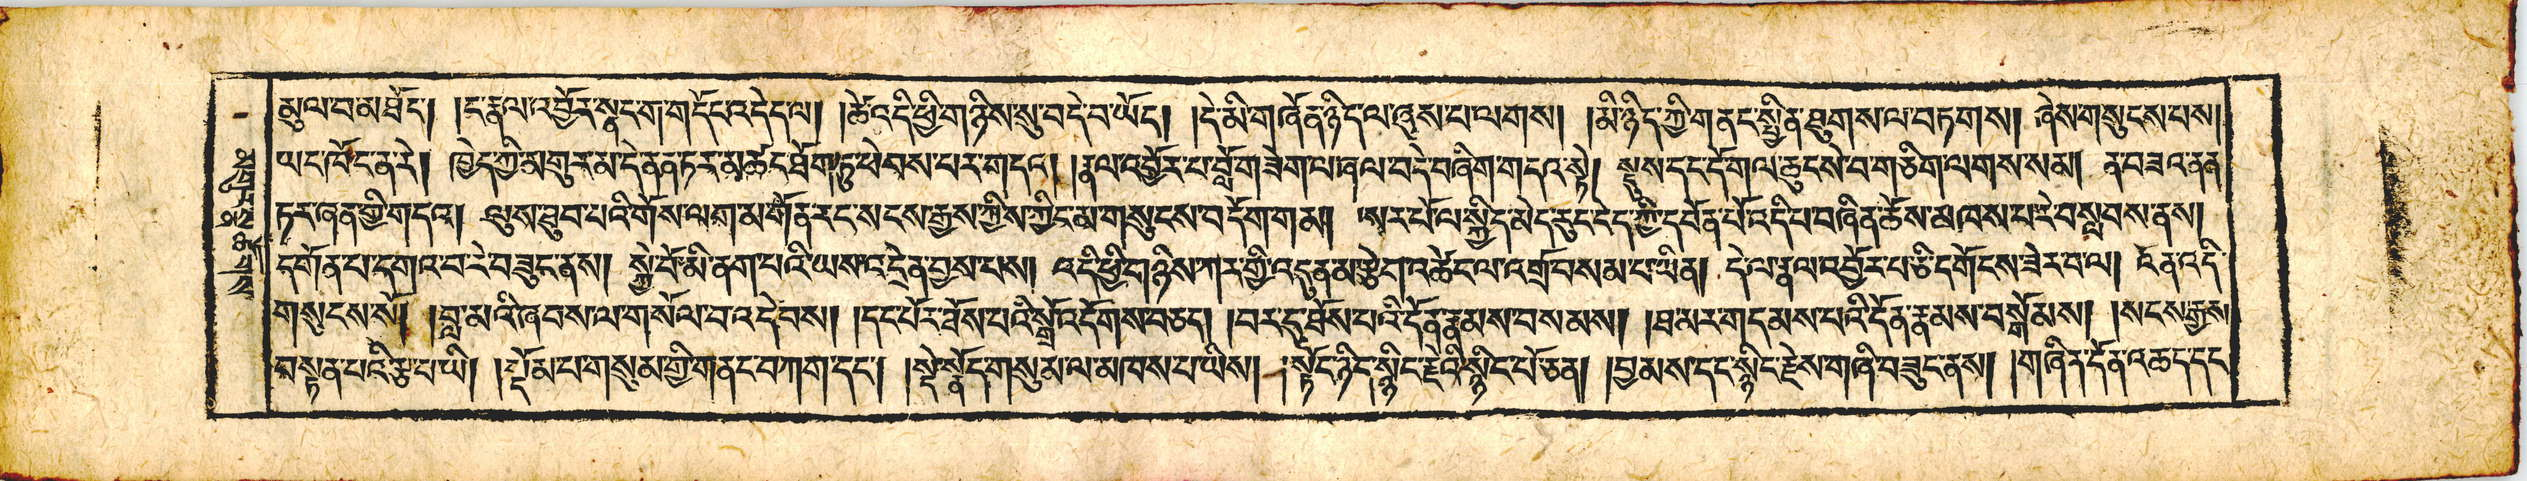མུལ་བ་མཐོང་། །ང་རྣལ་འབྱོར་སྣང་བ་གདོང་འདེད་ལ། །ཚེ་འདི་ཕྱི་གཉིས་སུ་བདེ་བ་ཡོད། །དེ་མི་གཞོན་ཉིད་ལ་ཞུས་པ་ལགས། །མི་ཉིད་ཀྱི་གནང་སྦྱིན་ཐུགས་ལ་བཏགས། ཞེས་གསུངས་པས། 
ཡང་ཁོང་ན་རེ། ཁྱེད་ཀྱི་མགུར་མ་དེ་ནན་ཏར་མཚང་ཐོག་ཏུ་ཕེབས་པར་གདའ། །རྣལ་འབྱོར་པ་བློ་གཟེག་ལ་ཞལ་བདེ་བ་ཞིག་གདའ་སྟེ། སྡུས་དང་དོ་གལ་ཆུངས་བ་གཅིག་ལགས་སམ། ན་བཟའ་ནན་
ཏར་ཞན་གྱི་གདའ། ལུས་ཐུབ་པའི་གོས་ལག་མ་གོན་རང་སངས་རྒྱས་ཀྱིས་ཀྱང་མ་གསུངས་བདོག་གམ། ཨར་པོ་ལ་སྐྱིད་མེད་རུང་ངེད་ཀྱི་དབོན་པོ་འདི་པ་བཞིན་ཆོས་མཁས་པ་རེ་བསླབས་ནས། 
དགོན་པ་དགའ་བ་རེ་བཟུང་ནས། སྐྱེ་བོ་མི་ནག་པའི་ལས་འདྲེན་བྱས་པས། འདི་ཕྱི་གཉིས་ཀར་གྱི་འདུན་མ་རྩེང་།འཚེང་ལ་འགྲོ་བསམ་པ་ཡིན། དེ་ལ་རྣལ་འབྱོར་པ་ཅི་དགོངས་ཟེར་བ་ལ། འོན་འདི་
གསུངས་སོ། །བླ་མའི་ཞབས་ལ་གསོལ་བ་འདེབས། །དང་པོར་ཐོས་པའི་སྒྲོ་འདོགས་བཅད། །བར་དུ་ཐོས་པའི་དོན་རྣམས་བསམས། །ཐ་མར་གདམས་པའི་དོན་རྣམས་བསྒོམས། །།སངསརྒྱས་
བསྟན་པའི་རྩ་པ་ཡི། །སྡོམ་པ་གསུམ་གྱི་གནང་བཀག་དང་། །སྡེ་སྣོད་གསུམ་ལ་མཁས་པ་ཡིས། །སྟོང་ཉིད་སྙིང་རྗེའི་སྙིང་པོ་ཅན། །བྱམས་དང་སྙིང་རྗེས་གཞི་བཟུང་ནས། །གཞན་དོན་འཆད་དང་